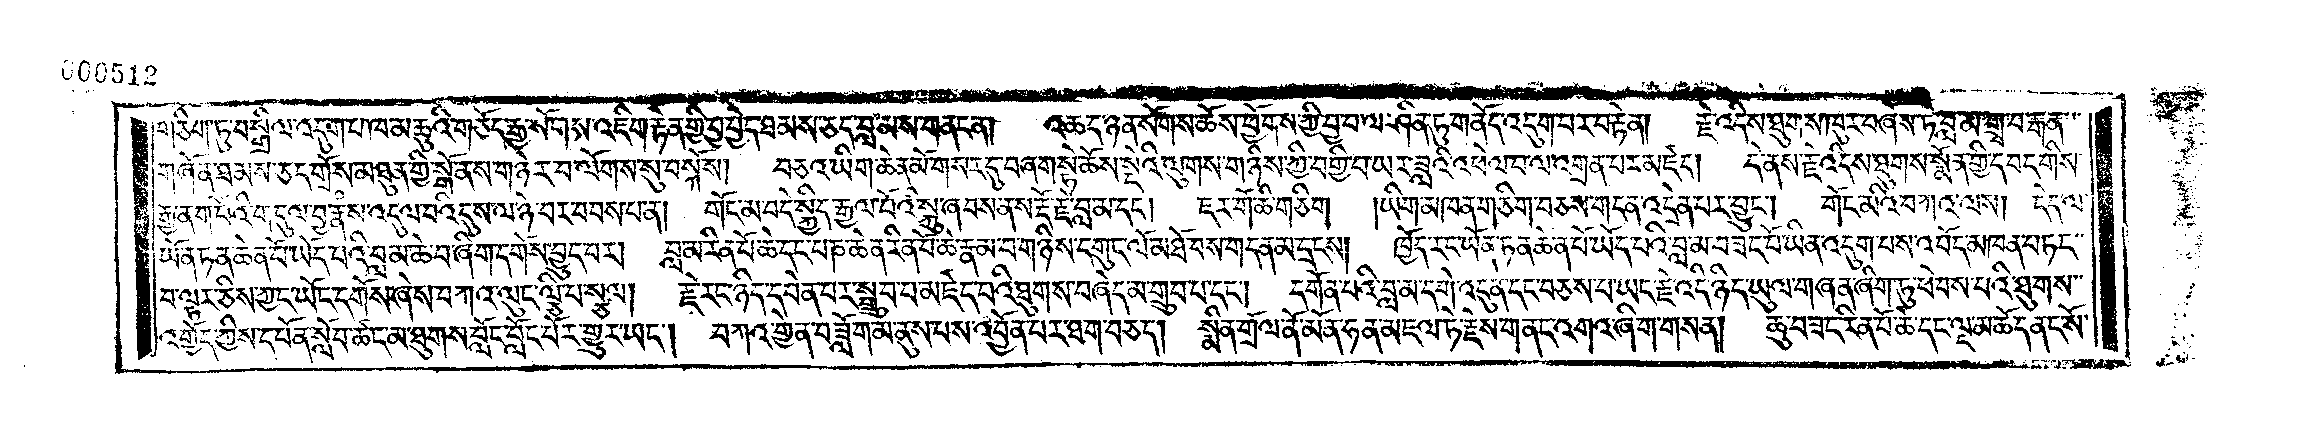གཅིག་ཏུ་བསྒྲིལ་འདུག་པ་ཁ་མཆུའི་གཅོད་རྒྱ་སོགས་འཇིག་རྟེན་གྱི་བྱ་བྱེད་ཐམས་ཅད་བླ་མས་གནང་ན། འཆད་ཉན་སོགས་ཆོས་ཕྱོགས་ཀྱི་བྱ་བ་ལ་ཤིན་ཏུ་གནོད་འདུག་པར་བརྟེན། རྗེ་འདིས་ཐུགས་ཁུར་བཞེས་ཏེ་བླ་མ་གྲྭ་བ་རྒན་
གཞོན་ཐམས་ཅད་གྲོས་མཐུན་གྱི་སྒོ་ནས་གཉེར་བ་ལོགས་སུ་བསྐོས། བཅའ་ཡིག་ཆེན་མོ་གསར་དུ་བཞག་སྟེ་ཆོས་སྡེའི་ལུགས་གཉིས་ཀྱི་བགྱི་བ་ཡར་ཟླའི་འཕེལ་བ་ལ་འགྲན་པར་མཛད། དེ་ནས་རྗེ་འདིས་ཐུགས་སྨོན་གྱི་དབང་གིས་
རྒྱ་ནག་པོའི་གདུལ་བྱ་རྣས་འདུལ་བའི་དུས་ལ་ཉེ་བར་བབས་པ་ན། གོང་མ་བདེ་སྐྱིད་རྒྱལ་པོའི་སྐུ་ཞབས་ནས་རྡོ་རྗེ་བླ་མ་དང་། ཇར་གོ་ཆི་གཅིག །ཡིག་མཁན་གཅིག་བཅས་གདན་འདྲེན་པར་བྱུང་། གོང་མའི་བཀའ་ལས། དེད་ལ་
ཡོན་ཏན་ཆེན་པོ་ཡོད་པའི་བླ་མ་ཆེ་བ་ཞིག་དགོས་བྱུང་བར། བླ་མ་རིན་པོ་ཆེ་དང་པཎ་ཆེན་རིན་པོ་ཆེ་རྣམ་པ་གཉིས་དགུང་ལོ་མཐོ་བས་གདན་མ་དྲངས། ཁྱོད་རང་ཡོན་ཏན་ཆེན་པོ་ཡོད་པའི་བླ་མ་བཟང་པོ་ཡིན་འདུག་པས་འབོད་མཁན་བཏང་
བ་ལྟར་ཅིས་ཀྱང་ཡོང་དགོས་ཞེས་བཀའ་ལུང་ལྕི་པ་སྩལ། རྗེ་རང་ཉིད་དབེན་པར་སྒྲུབ་པ་མཛད་པའི་ཐུགས་བཞེད་མ་གྲུབ་པ་དང་། དགོན་པའི་བླ་མ་དགེ་འདུན་དང་བཅས་པ་ཡང་རྗེ་འདི་ཉིད་ཡུལ་གཞན་ཞིག་ཏུ་ཕེབས་པའི་ཐུགས་
འགྱོད་ཀྱིས་དཔོན་སློབ་ཚང་མ་ཐུགས་བློང་བློང་པོར་གྱུར་ཡང་། བཀའ་གྱེན་བཟློག་མ་ནུས་པས་འབྱོན་པར་ཐག་བཅད། སྨིན་གྲོལ་ནོ་མོན་ཧན་མཇལ་ཏེ་རྗེས་གནང་འགའ་ཞིག་གསན། ཆུ་བཟང་རིན་པོ་ཆེ་དང་ལྔ་མཆོད་ནང་སོ་